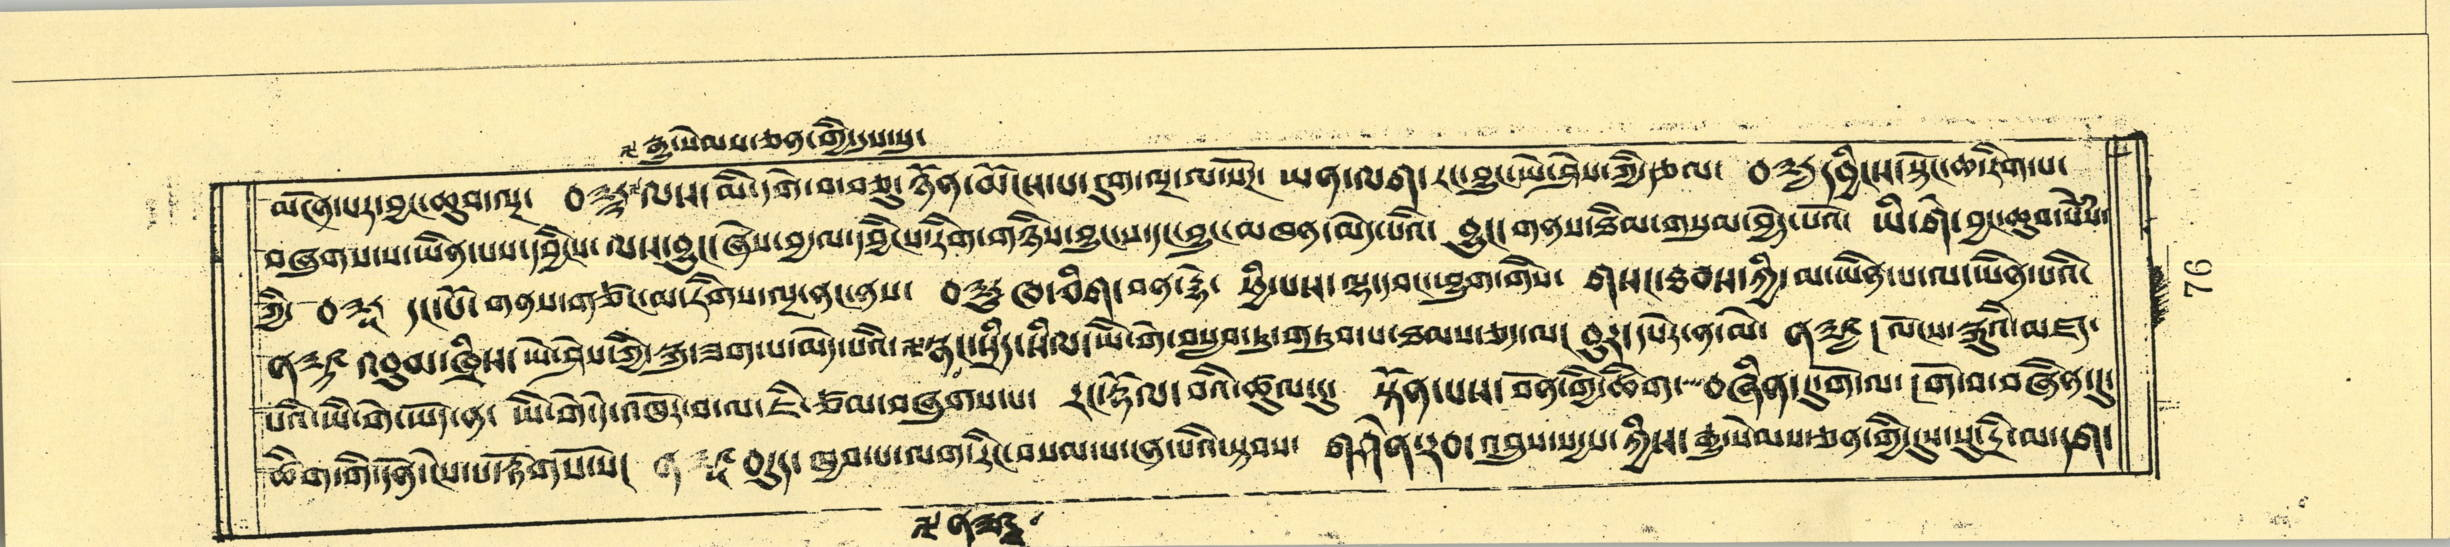མངོན་པར་བྱང་ཆུབ་ལྔ། བ༣༨།༢རྒྱུ་སེམས་གྱི་དུས་སུ་༼ལས༽མི་དགེ་བ་བཅུ་༼ཉོན་མོངས་པ༽དུག་ལྔ་ལ་སོགས་༼ཡན་ལག༽རང་བྱུང་ཡེ་ཤེས་རྩལ་བ༣༨།༤༼དབྱིངས༽སྟོང་ཆ་རིག་པ་
བཞུགས་པ་ཡིན་པས་དབྱིངས་༼ལས་བྱུང༽ཞེས་བྱ་ལ་དབྱིངས་རིག་གཉིས་བྱུང་ས་དང་བྱུང་མཁན་མེད་པའི་ ༼བྱུང༽གནས་ཐིམ་གསུམ་བྱེད་པའོ།༼ཡི་གེ༽བྱང་ཆུབ་སེམས་
ཀྱི་བ༣༨།༥༼དང་པོ༽གནས་གཙང་མ་རིགས་ལྔ་ནང་ནས་བ༣༨།༦༼ཁ་ཅིག༽བན་དྷེ་༼ཕྱི་པས༽ལྷ་དབང་ཕྱུག་གིས་༼གསང་ཐབས་ཀྱི༽མ་ཡིན་པ་ལ་ཡིན་པའི་
ན༣༩།༡༼འབུམ་ཁྲིས༽ཡེ་ཤེས་ཀྱི་སྐུ་ཟག་པ་མེད་པའི་ན༣༩།༢༼སྣང་སྲིད་སིལ༽ཡི་གེ་བསླབ་ཏུ་གཏུབ་པ་ཐམས་ཅད་ལ་༼བུར༽དཔེར་ན་མེ་ན༣༩།༤ལོངས་སྐུའི་མཛད་
པའི་ཡི་གེ་ཡོད་ན་ཡི་གེ་དེ་འཁོར་བ་ལ་ཇི་ཙམ་བཞུགས་པ་༼རང་རྡོལ༽བའི་ཚུལ་དུ་༼སྟོན་པས༽བོན་གྱི་ཚིག་ ༼བཞིན༽དུ་གོ་ལ། གོ་བ་བཞིན་དུ་
ཚིག་གི་དོན་ངེས་པ་རྟོགས་སོ་སོ། ན༣༩།༥༼བདུད༽བདུད་ཁྱབ་པ་ལག་རིང་བསམ་པ་ངན་པའི་སྟབས་༼གཤེན་རབ༽འབྲས་བུ་སངས་རྒྱས་༼ཀྱིས༽རྒྱུ་སེམས་ཅན་གྱི་དུས་སུ་དྲི་མ་༼དག༽